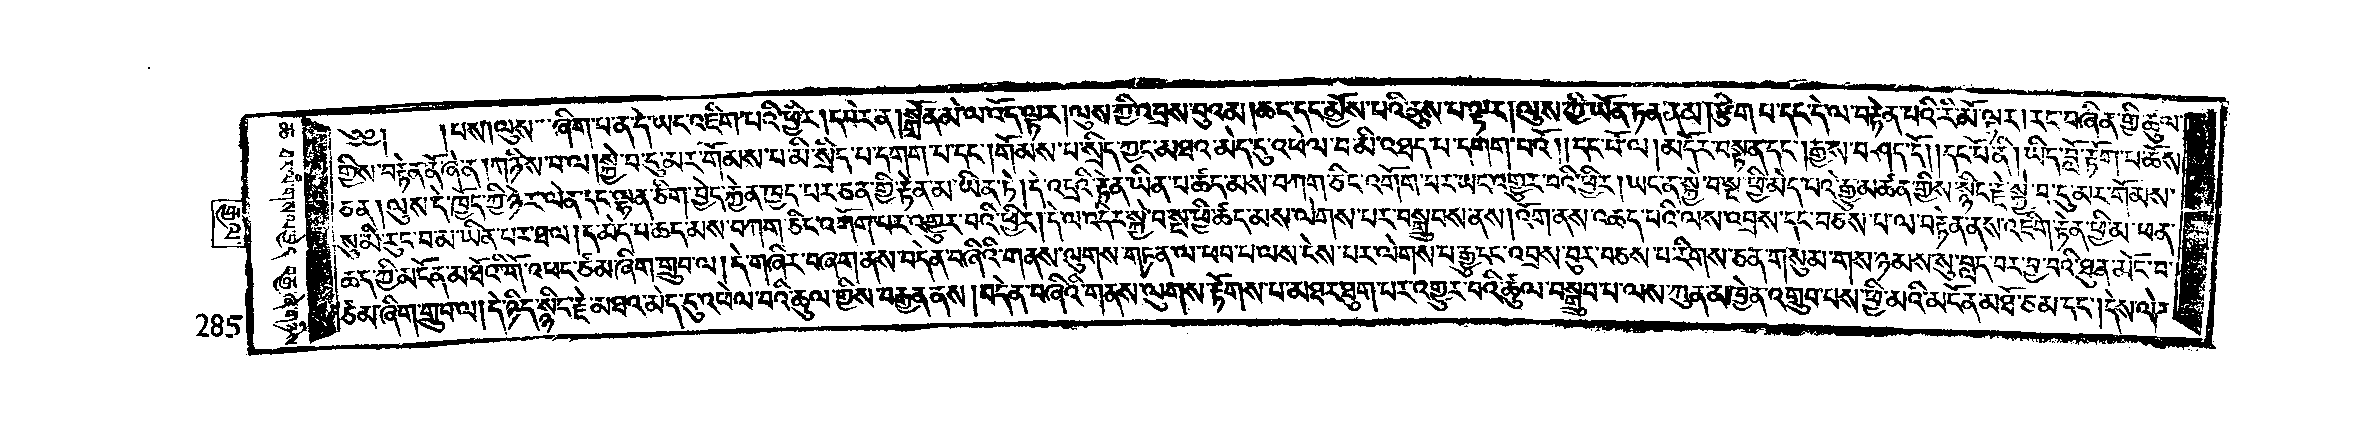༄༅། །པས། ལུས་ཞིག་པ་ན་དེ་ཡང་འཇིག་པའི་ཕྱིར། དཔེར་ན། སྒྲོན་མེ་ལ་འོད་ལྟར། ལུས་ཀྱི་འབྲས་བུའམ། ཆང་དང་མྱོས་པའི་ནུས་པ་ལྟར། ལུས་ཀྱི་ཡོན་ཏན་ནམ། རྩིག་པ་དང་དེ་ལ་བརྟེན་པའི་རི་མོ་ལྟར། རང་བཞིན་གྱི་ཚུལ་
གྱིས་བརྟེན་ནོ་ཞེ་ན། གཉིས་པ་ལ། སྐྱེ་བ་དུ་མར་གོམས་པ་མི་སྲིད་པ་དགག་པ་དང་། གོམས་པ་སྲིད་ཀྱང་མཐའ་མེད་དུ་འཕེལ་བ་མི་འཐད་པ་དགག་པའོ། །དང་པོ་ལ། མདོར་བསྟན་དང་། རྒྱས་བཤད་དོ། །དང་པོ་ནི། ཡིད་བློ་རྟོག་པ་ཆོས་
ཅན། ལུས་དེ་ཁྱོད་ཀྱི་ཉེར་ལེན་དང་ལྷན་ཅིག་བྱེད་རྐྱེན་ཁྱད་པར་ཅན་གྱི་རྟེན་མ་ཡིན་ཏེ། དེ་འདྲའི་རྟེན་ཡིན་པ་ཚད་མས་བཀག་ཅིང་འགོག་པར་ཡང་འགྱུར་བའི་ཕྱིར། ཡང་ན་སྐྱེ་བ་སྔ་ཕྱི་མེད་པའི་རྒྱུ་མཚན་གྱིས་སྙིང་རྗེ་སྐྱེ་བ་དུ་མར་གོམས་
སུ་མི་རུང་བ་མ་ཡིན་པར་ཐལ། དེ་?་མེད་པ་ཚད་མས་བཀག་ཅིང་འགོག་པར་འགྱུར་བའི་ཕྱིར། དེ་ལ་འདིར་སྐྱེ་བ་སྔ་ཕྱི་ཚད་མས་ལེགས་པར་བསྒྲུབས་ནས། འོག་ནས་འཆད་པའི་ལས་འབྲས་དང་བཅས་པ་ལ་བརྟེན་ནས་འཇིག་རྟེན་ཕྱི་མ་ཕན་
ཆད་ཀྱི་མངོན་མཐོའི་གོ་འཕང་ཙམ་ཞིག་གྲུབ་ལ། དེ་གཞིར་བཞག་ནས་བདེན་བཞིའི་གནས་ལུགས་གཏན་ལ་ཕབ་པ་ལས་ངེས་པར་ལེགས་པ་རྒྱུ་དང་འབྲས་བུར་བཅས་པ་རིགས་ཅན་གསུམ་གས་ཉམས་སུ་བླང་བར་བྱ་བའི་ཐུན་མོང་བ་
ཙམ་ཞིག་གྲུབ་ལ། དེ་ཉིད་སྙིང་རྗེ་མཐའ་མེད་དུ་འཕེལ་བའི་ཚུལ་གྱིས་བརྒྱན་ནས། བདེན་བཞིའི་གནས་ལུགས་རྟོགས་པ་མཐར་ཐུག་པར་འགྱུར་བའི་ཚུལ་བསྒྲུབ་པ་ལས་ཀུན་མཁྱེན་འགྲུབ་པས་ཕྱི་མའི་མངོན་མཐོ་ཙམ་?་དང་། དེས་ལེཌ་